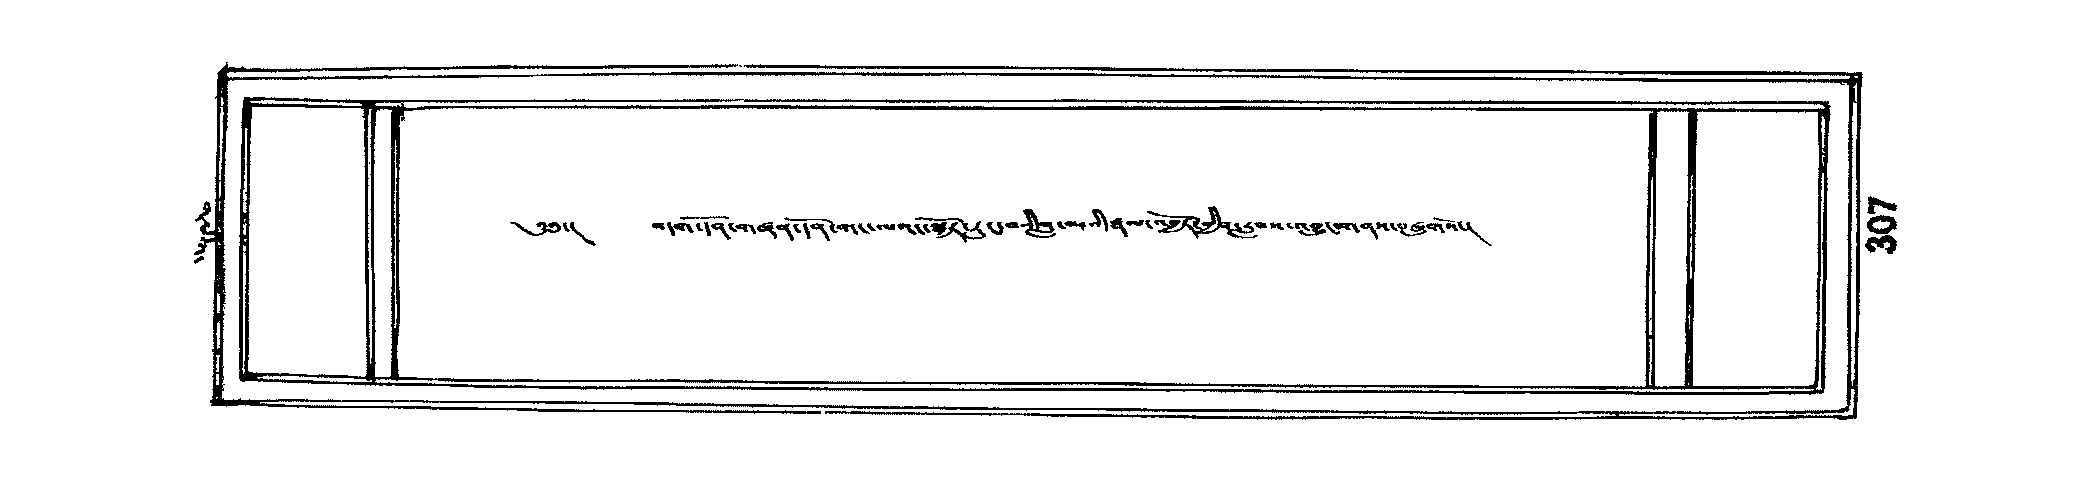༄༅། བདག་དོན་གཞན་དོན་གང་ལའང་སྦྱོར་རུང་བའི་བླ་མའི་རྣལ་འབྱོར་བྱིན་རླབས་འབྱུང་གནས་བཞུགས་སོ།།